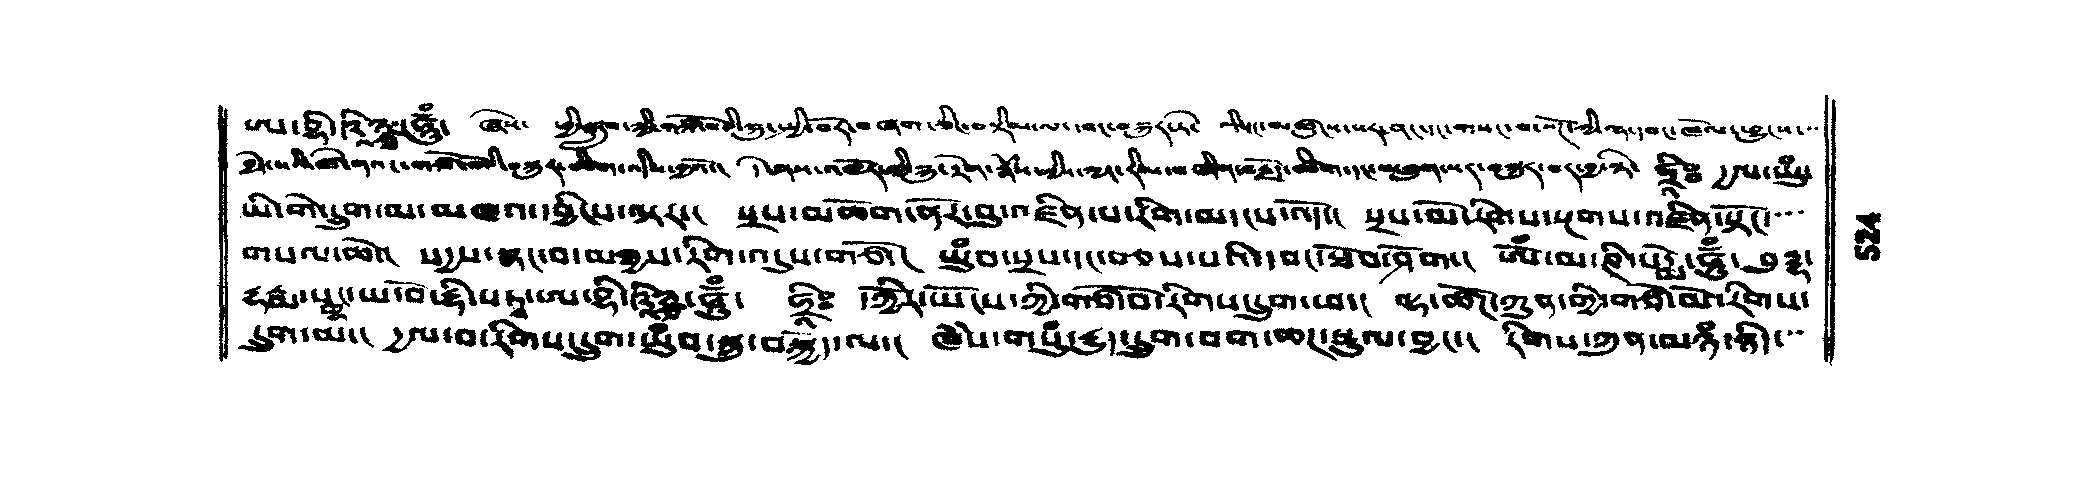ཨ་བྷི་རཱི་ཉྩ་ཧཱུྃ། ཞེས་ཕྱི་སྒྲུབ་ཀྱི་སྐུ་གཙོ་བོའི་སྤྱི་བོར་བཞག་ཅིང་བསྟིམ་ལ་དབང་བསྐུར་ཏེ། འདི་དང་མཚུངས་པར་ནང་དང་གསང་བ་སོགས་ཀྱི་ལྷ་དབང་ཁོལ་ཕྱུངས་
བྱེད་པའི་ཚེ་ནའང་གཙོ་བོའི་བསྐུར་ཚིག་འདིས་བྱའོ། དེ་ནས་འཁོར་གྱི་སྐུ་རྟེན་རྣམས་ཀྱིས་ཀྱང་རིམ་པ་བཞིན་བརྗོད་ཚིག་དང་མཐུན་པར་བསྐུར་བར་བྱ་སྟེ། ཧྲཱིཿ རྒྱལ་ཡུམ་
ཡི་གེ་དྲུག་མ་མཁའ་དབྱིངས་ལྟར། །སྲས་མཆོག་ནོར་བུ་འཛིན་པ་རིག་མདངས་འོད། །སྲས་མོ་རིགས་སྔགས་འཛིན་པ་སྟོང་
གསལ་ཆེ། །སངས་རྒྱས་སྣང་བ་མཐའ་ཡས་རིགས་འདུས་གཙོ། །ཡབ་ཡུམ་སྲས་དང་བཅས་པའི་དབང་ཐོབ་ཤོག ཨོཾ་མ་ཎི་པདྨེ་ཧཱུྃ། བུདྡྷ་
དྷརྨ་སངྒྷ་ཡ་བོ་དྷི་ཨ་བྷི་རཱི་ཉྩ་ཧཱུྃ། ཧྲཱིཿ དཀྱིལ་འཁོར་ཡོངས་ཀྱི་གཙོ་བོ་རིགས་དྲུག་ཕ། །ལྷ་ཚོགས་ཀུན་གྱི་གཙོ་མོ་རིགས་དྲུག་མ། །རྒྱལ་བ་རིགས་
དྲུག་ཡབ་ཡུམ་སྐུ་བསྐྱོད་ལ། །ཁམས་གསུམ་རྒྱུད་དྲུག་བག་ཆགས་སྡུག་བསྔལ་སྦྱང་། རིགས་ཀུན་མཉམ་ཉིད་